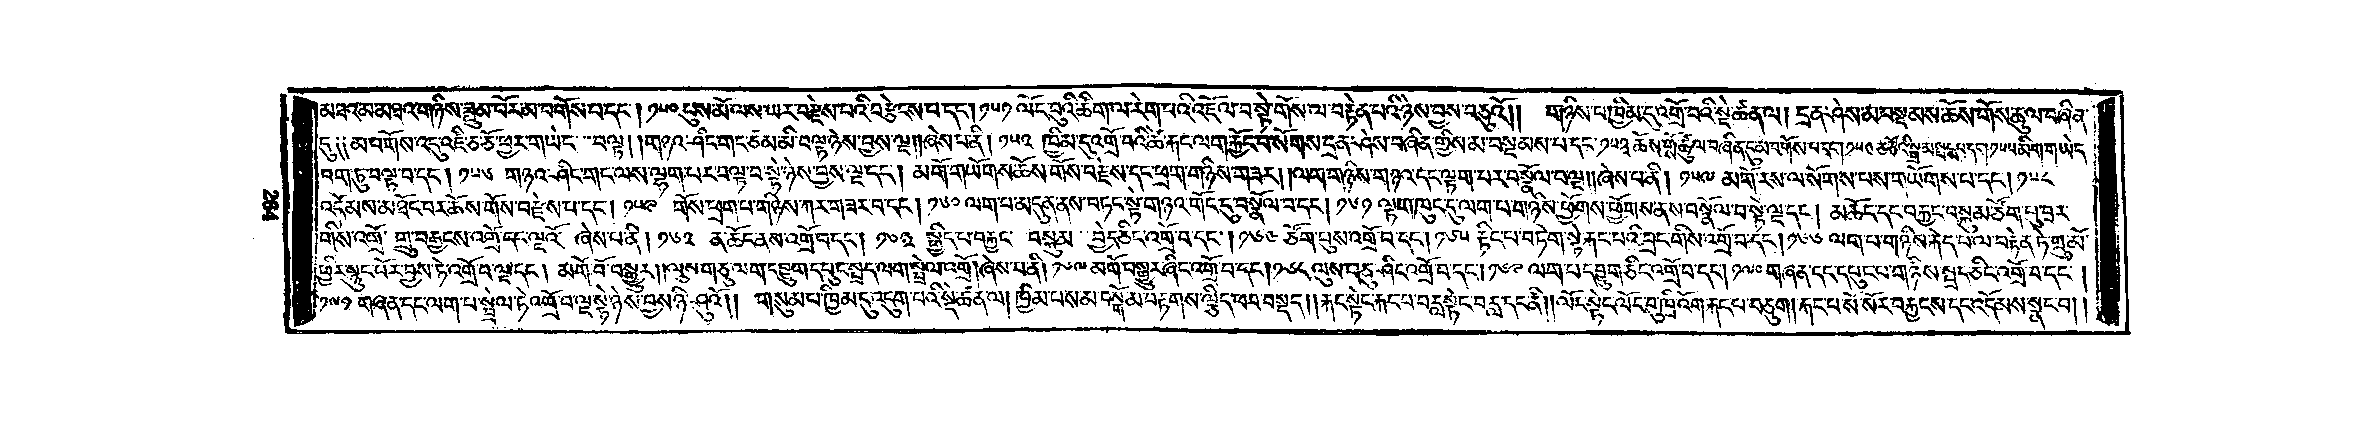མཐའ་མ་མཐའ་གཉིས་ཟླུམ་པོར་མ་བགོས་པ་དང་། པུས་མོ་ལས་ཡར་བརྫེས་པའི་བརྩེངས་པ་དང་། ལོང་བུའི་ཚིག་ལ་རེག་པའི་འཇོལ་བ་སྟེ་གོས་ལ་བརྟེན་པའི་ཉེས་བྱས་བཅུའོ། །གཉིས་པ་ཁྱིམ་དུ་འགྲོ་བའི་སྡེ་ཚན་ལ། དྲན་ཤེས་མ་བསྡམས་ཆོས་གོས་ཆུ་ལ་བཞིན་
དུ། །མ་བགོས་འདུ་འཇི་ཅ་ཅོ་ཕྱར་གཡེང་བལྟ། །གཉའ་ཤིང་གང་ཙམ་མི་བལྟ་ཉེས་བྱས་ལྔ། །ཞེས་པ་ནི། ཁྱིམ་དུ་འགྲོ་བའི་ཚེ་རྐང་ལག་རྐྱོང་བ་སོགས་དྲན་ཤེས་བཞིན་གྱིས་མ་བསྡམས་པ་དང་ཆོས་གོས་ཚུལ་བཞིན་དུ་མ་བགོས་པ་དང་། ཅ་ཅོའི་སྒྲ་མ་སྤངས་པ་དང་། མིག་གཡེད་
བག་ཏུ་བལྟ་བ་དང་། གཉའ་ཤིང་གང་ལས་ལྷག་པར་བལྟ་བ་སྟེ་ཉེས་བྱས་ལྔ་དང་། མགོ་གཡོགས་ཆོས་གོས་བརྗེས་དང་ཕྲག་གཉིས་གཟར། །ལག་གཉིས་གཉའ་དང་ལྟག་པར་བསྣོལ་བ་ལྔ། །ཞེས་པ་ནི། མགོ་རས་ལ་སོགས་པས་གཡོགས་པ་དང་།
འདོམས་མཐོང་བར་ཆོས་གོས་བརྫེས་པ་དང་། གོས་ཕྲག་པ་གཉིས་ཀར་གཟར་བ་དང་། ལག་པ་མདུན་ནས་བཏང་སྟེ་གཉའ་གོང་དུ་བསྣོལ་བ་དང་། ལྟག་ཁུང་དུ་ལག་པ་གཉིས་ཕྱོགས་ཕྱོགས་ནས་བསྣོལ་བ་སྟེ་ལྔ་དང་། མཆོད་དང་བརྐྱང་བསྐུམ་ཙོག་པུ་བྲར་
གིས་འགྲོ་གྲུ་བརྒྱངས་འགྲོ་དང་ལྔའོ་ཞེས་པ་ནི། ན་ཆོད་ནས་འགྲོ་བ་དང་། སྒྱིད་པ་བརྐྱང་བསྐུམ་བྱེད་ཅིང་འགྲོ་བ་དང་། ཙོག་པུས་འགྲོ་བ་དང་། རྟིང་པ་བཏེག་སྟེ་རྐང་པའི་བྲང་གིས་འགྲོ་བ་དང་། ལག་པ་གཉིས་རྐེད་པ་ལ་བརྟེན་ཏེ་གྲུ་མོ་
ཕྱིར་སྙུང་པོར་བྱས་ཏེ་འགྲོ་བ་ལྔ་དང་། མགོ་བོ་བསྒྱུར། །ལུས་གཅུ་ལག་དབྱུག་དཔུང་སྤྲད་ལག་སྤྲེལ་འགྲོ། ཞེས་པ་ནི། མགོ་བསྒྱུར་ཞིང་འགྲོ་བ་དང་། ལུས་བཅུ་ཤིང་འགྲོ་བ་དང་། ལག་པ་དབྱུག་ཅིང་འགྲོ་བ་དང་། གཞན་དང་དཔུང་པ་གཉིས་སྤྲད་ཅིང་འགྲོ་བ་དང་།
གཞན་དང་ལག་པ་སྤྲེལ་ཏེ་འགྲོ་བ་ལྔ་སྟེ་ཉེས་བྱས་ཉི་ཤུའོ། །གསུམ་པ་ཁྱིམ་དུ་འདུག་པའི་སྡེ་ཚན་ལ། ཁྱིམ་པ་སམ་བསྒོམ་བརྟགས་ལྕིད་ཕབ་བསྡད། །རྐང་སྟེང་རྐང་པ་བརླ་སྟེང་བརླ་དང་ནི། །ལོང་སྟེང་ལོང་བུ་ཁྲི་འོག་རྐང་པ་བཅུག །རྐང་པ་སོ་སོར་བརྐྱངས་དང་འདོམས་སྣང་བ། །